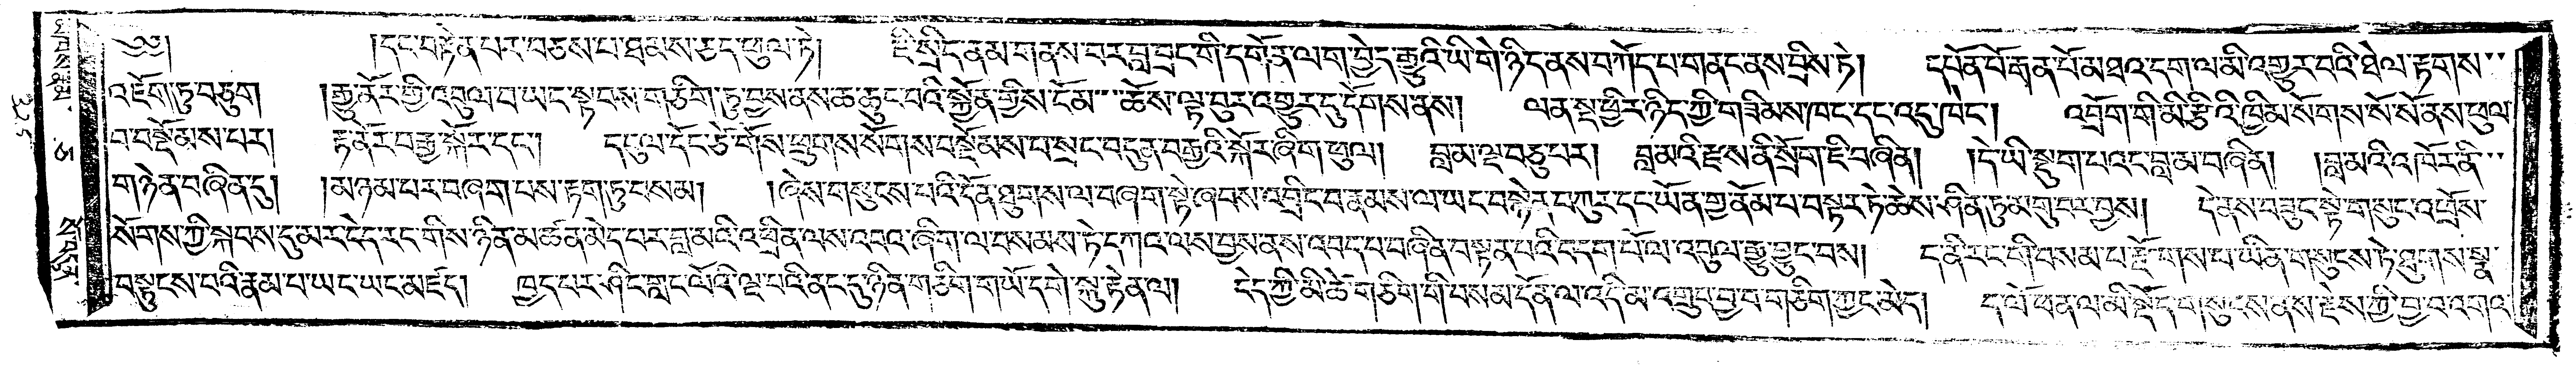༄༅། །དང་བརྟེན་པར་བཅས་པ་ཐམས་ཅད་ཕུལ་ཏེ། ཇི་སྲིད་ནམ་གནས་བར་བླ་བྲང་གི་དགོན་ལག་བྱེད་རྒྱུའི་ཡི་གེ་ཉིད་ནས་བཀོད་པ་གནང་ནས་བྲིས་ཏེ། དཔོན་པོ་རྒན་པོ་མཐའ་དག་ལ་མི་འགྱུར་བའི་ཐེལ་རྟགས་
འཇོག་ཏུ་བཅུག །རྒྱུ་ནོར་གྱི་འབུལ་བ་ཡང་སྟབས་གཅིག་ཏུ་བྱས་ནས་ཆ་ཆུང་བའི་སྐྱོན་གྱིས་ངོམ་ཆོས་ལྟ་བུར་འགྱུར་དུ་དོགས་ནས། ལན་སྔ་ཕྱིར་ཉིད་ཀྱི་གཟིམས་ཁང་དང་འདུ་ཁེང་། འབྲོག་གི་མི་རྩིའི་ཁྱིམ་སོགས་སོ་སོ་ནས་ཕུལ་
བ་བསྡོམས་པར། རྟ་ནོར་བརྒྱ་སྐོར་དང་། དངུལ་དོང་ཙེ་གོས་ཕྲུགས་སོགས་བསྡོམས་པ་སྲང་བདུན་བརྒྱའི་སྐོར་ཞིག་ཕུལ། བླ་མ་ལྔ་བཅུ་པར། བླ་མའི་རྫས་ནི་སྲོག་ཇི་བཞིན། །དེ་ཡི་སྡུག་པའང་བླ་མ་བཞིན། །བླ་མའི་འཁོར་ནི་
གཉེན་བཞིན་དུ། །མཉམ་པར་བཞག་པས་རྟག་ཏུ་བསམ། །ཞེས་གསུངས་པའི་དོན་ཐུགས་ལ་བཞག་སྟེ་ཞབས་འབྲིང་བ་རྣམས་ལ་ཡང་བསྙེན་བཀུར་དང་ཡོན་གྱ་ནོམ་པ་བསྟར་ཏེ་ཆེས་ཤིན་ཏུ་མགུ་བར་བྱས། དེ་ནས་བཟུང་སྟེ་གསུང་འཕྲོས་
སོགས་ཀྱི་སྐབས་དུ་མར་ངེད་རང་གིས་ཉིན་མཚན་མེད་པར་བླ་མའི་འཕྲིན་ལས་འབའ་ཞིག་ལ་བསམས་ཏེ་དཀའ་ལས་བྱས་ནས་འབད་པ་བཞིན་བསྟན་པའི་བདག་པོ་ལ་འབུལ་རྒྱུ་བྱུང་བས། ད་ནི་རང་གི་བསམ་པ་རྫོགས་པ་ཡིན་གསུངས་ཏེ་ཐུགས་སྣ་
བསྟུངས་བའི་རྣམ་པ་ཡང་ཡང་མཛད། ཁྱད་པར་ཤིང་གླང་ལོའི་ལྔ་པའི་ནང་དུ་ཉིན་གཅིག་གཡོ་དགེ་སྐུ་རྟེན་ལ། ངེད་ཀྱི་མི་ཚེ་གཅིག་གི་བསམ་དོན་ལ་འདི་མ་འགྲུབ་བྱ་བ་གཅིག་ཀྱང་མེད། ད་ལོ་ཕན་ལ་མི་སྡོད་གསུངས་ནས་རྗེས་ཀྱི་བྱ་བ་འགལ་